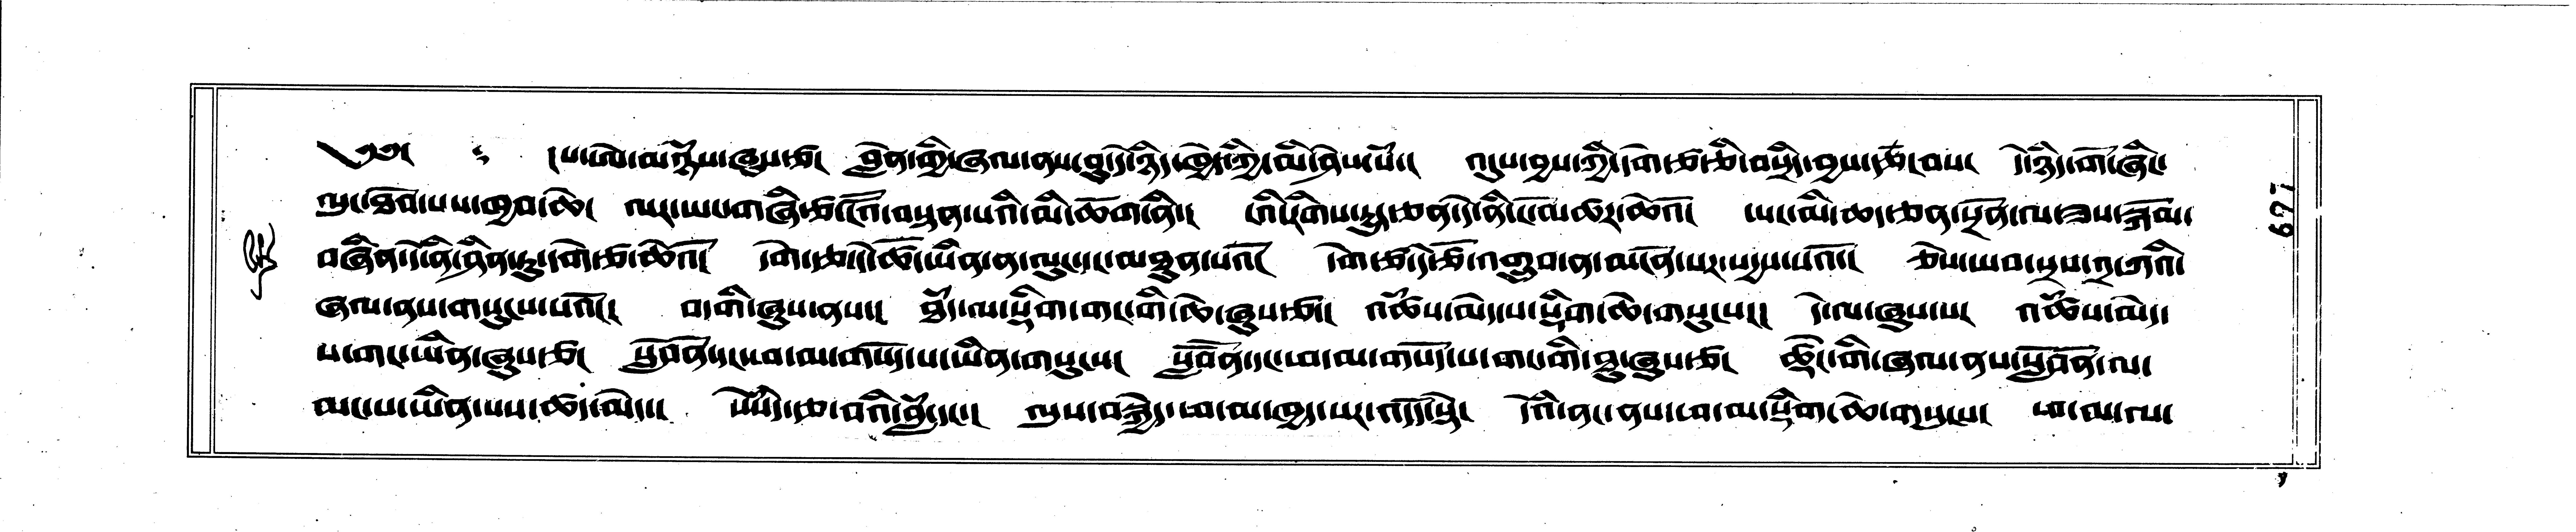བྱས་ཨེ་མཉམ་ཞུས་ཙ།། བླ་ཆེན་གྱིས་ཞལ་ནས་བུ་དེ་གཉིས་ཁྱོད་ཀྱི་མི་ཤེས་སམ། འདུས་བྱས་གྱི་དགེ་རྩ་ཅི་སྲིད་བྱས་པ་བེས། དེ་ཉིད་གོང་བཞིན་
ལུང་ཐོབ་པས་དགའ། ལར་ཡང་གཞི་རྩ་ངོའོ་ཉིད་བརྟན་པའི་མི་མཆོག་ནི། ངའི་རིགས་རྒྱུད་ཅན་དེ་ནི་ངོ་མཚར་ཆེའོ། མི་ཆད་ངལ་ཅན་ལ་ཟས་སྐོམ་
བཞིན་པ་དེ་ནི་དགེ་རྩ་ཆེའོ།། དགེ་རྩ་དེ་ཚོ་ནི་ལུང་དང་མཐུན་པའོ།། དགེ་རྩ་དེ་ཚོ་གྲུབ་ན་རྫོགས་སངས་རྒྱས་པའོ།། ཅེས་ཡབ་སྲས་གཉིས་ཀའི་
ཞལ་ནས་གསུངས། བདག་གིས་ཞུས་པ། ཐམས་ཅད་ལ་སྡིག་པ་གང་གིས་ཆེ་ཞུས་ཙ།། འཚམས་མེད་པ་སྡིག་ཆེ་གསུངས།
 ཡང་བདག་གིས་ཞུས་པ། སློབ་དཔོན་དང་ཕ་མ་བསད་པ་གང་གིས་སྡིག་ཆེ་ཞུས་ཙ། སློབ་དཔོན་ལ་
མང་དུ་ཡོད་པ་ཡིན་པས་ཁྱད་མེད། སེམས་བསྐྱེད་རྩ་བའི་བླ་མ་དང་། ལུས་བསྐྱེད་ཕ་མ་ཁྱད་པར་མེད་པར་འདོད་ཏེ། ཕ་མ་བསད་པ་ཐུ་གསུངས། ཕ་མ་ལ་